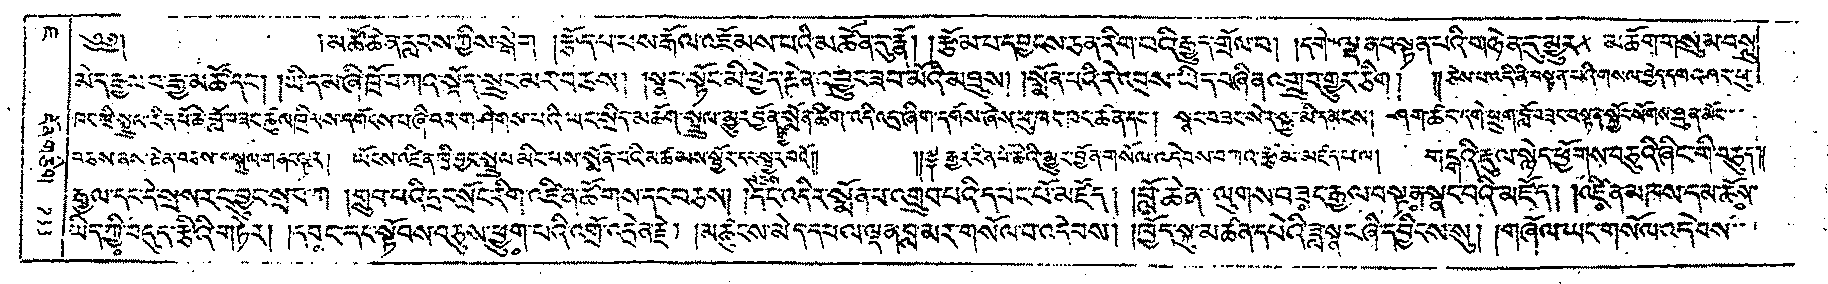༄༅། །མཚོ་ཆེན་རླབས་ཀྱིས་སྒེག །རྩོད་པ་ཕས་རྒོལ་འཇོམས་པའི་མཚོན་དུ་རྣོ། །རྩོམ་པ་དབྱངས་ཅན་རིག་པའི་རྒྱུད་གྲོལ་བ། །དགེ་ལྡན་བསྟན་པའི་གཉེན་དུ་མྱུར་྾་མཆོག་གསུམ་བསླུ་
མེད་རྒྱལ་བ་རྒྱ་མཚོ་དང་། །ཡི་དམ་ཞི་ཁྲོ་བཀའ་སྡོད་སྲུང་མར་བཅས། །སྣང་སྟོང་མི་ཕྱེད་རྟེན་འབྱུང་ཟབ་མོའི་མཐུས། །སྨོན་པའི་རེ་འབྲས་ཡིད་བཞིན་འགྲུབ་གྱུར་ཅིག ། །།ཅེས་པ་འདི་ནི་བསྟན་པའི་གསལ་བྱེད་དགའ་ཤར་ཕུ་
ཁང་ཁྲི་སྤྲུལ་རིན་པོ་ཆེ་བློ་བཟང་ཚུལ་ཁྲིམས་དགོངས་པ་ཞི་བར་གཤེགས་པའི་ཡང་སྲིད་མཆོག་སྤྲུལ་མྱུར་བྱོན་གྱི་སྨོན་ཚིག་འདི་འདྲ་ཞིག་དགོས་ཞེས་ཕུ་ཁང་ཁང་ཚན་དང་། སྣང་བཟང་སེར་སྐྱ་མི་དམངས། ཤག་ཚང་དགེ་ཕྲུག་བློ་བཟང་བསྟན་སྐྱོང་སོགས་ཐུན་མོང་
བཅས་ནས་རྟེན་བཅས་བསྐུལ་གནང་ལྟར། ཡོངས་འཛིན་ཁྲི་བྱང་སྤྲུལ་མིང་པས་སྨོན་པའི་མཚམས་སྦྱོར་དང་བཅས་སྦྱར་བའོ།། །། ༈ རྒྱ་ར་རིན་པོ་ཆེའི་མྱུར་བྱོན་གསོལ་འདེབས་བཀའ་རྩོམ་མཛད་པ་ལ། གངྒའི་རྡུལ་སྙེད་ཕྱོགས་བཅུའི་ཞིང་གི་བཅུད། །
རྒྱལ་དང་དེ་སྲས་རང་བྱུང་སྲ་བ་ཀ །གྲུབ་པའི་དྲང་སྲོང་རིག་འཛིན་ཚོགས་དང་བཅས། །དེང་འདིར་སྨོན་པ་འགྲུབ་པའི་དབང་པོ་མཛོད། །བློ྾་ཆེན་ལུགས་བཟང྾་རྒྱལ་བསྟན྾་སྣང་བའི་མཛོད། །འཛིན྾་མཁས་དམ་ཆོས྾་
ཡིད་ཀྱི྾་བདུད་རྩིའི་གཏེར། །དབང྾་དང་སྟོབས་བཅུས་ཕྱུག྾་པའི་འགྲོ་འདྲེན་རྗེ། །མཚུངས་མེད་དཔལ་ལྡན་བླ་མར་གསོལ་བ་འདེབས། །ཁྱོད་སྐུ་མཚན་དཔེའི་ཟླ་སྣང་ཞི་དབྱིངས་སུ། །གཞོལ་ཡང་གསོལ་འདེབས་